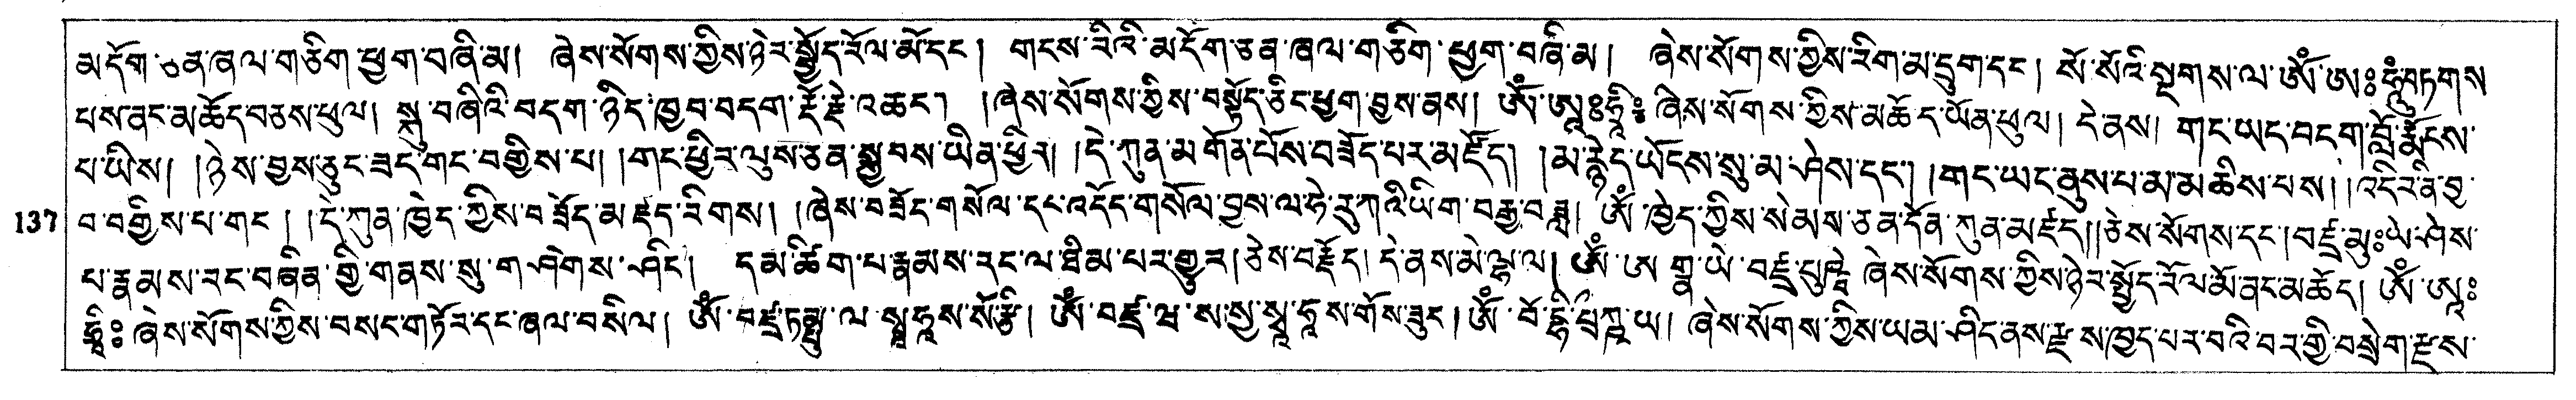མདོག་ཅན་ཞལ་གཅིག་ཕྱག་བཞི་མ། ཞེས་སོགས་ཀྱིས་ཉེར་སྤྱོད་རོལ་མོ་དང་། གྔས་རིའི་མདོག་ཅན་ཞལ་གཅིག་ཕྱག་བཞི་མ། ཞེས་སོགས་ཀྱིས་རིག་མ་དྲུག་དང་། སོ་སོའི་སྔགས་ལ་ཨོཾ་ཨཿ ཧཱུཾ་བཏགས་
པས་ནང་མཆོད་བཅས་ཕུལ། སྐུ་བཞིའི་བདག་ཉིད་ཁྱབ་བདག་རྡོ་རྗེ་འཆང་། །ཞེས་སོགས་ཀྱིས་བསྟོད་ཅིང་ཕྱག་བྱས་ནས། ཨོཾ་ཨཱཿ ཧྲཱིཿ ཞིས་སོགས་ཀྱིས་མཆོད་ཡོན་ཕུལ། དེ་ནས། གང་ཡང་བདག་བློ་རྨོངས་
པ་ཡིས། །ཉེས་བྱས་ཅུང་ཟད་གང་བགྱིས་པ། །གང་ཕྱིར་ལུས་ཅན་སྐྱབས་ཡིན་ཕྱིར། །དེ་ཀུན་མགོན་པོས་བཟོད་པར་མཛོད། །མ་རྙེད་ཡོངས་སུ་མ་ཤེས་དང་། །གང་ཡང་ནུས་པ་མ་མཆིས་པས། །འདིར་ནི་བྱ་
བ་བགྱིས་པ་གང་། །དེ་ཀུན་ཁྱེད་ཀྱིས་བཟོད་མཛད་རིགས། །ཞེས་བཟོད་གསོལ་དང་འདོད་གསོལ་བྱས་ལ་ཧེ་རུ་ཀའི་ཡིག་བརྒྱ་བ་ཟླ། ཨོཾ་ཁྱེད་ཀྱིས་སེམས་ཅན་དོན་ཀུན་མཛད། །ཅེས་སོགས་དང་། བཛྲ་མུཿ ཡེ་ཤེས་
པ་རྣམས་རང་བཞིན་གྱི་གནས་སུ་གཤེགས་ཤིང་། དམ་ཚིག་པ་རྣམས་རང་ལ་ཐིམ་པར་གྱུར། ཅེས་བརྗོད། དེ་ནས་མེ་ལྷ་ལ། ཨོཾ་ཨ་གན་ཡེ་བཛྲ་པུཥྦེ་ཞེས་སོགས་ཀྱིས་ཉེར་སྤྱོད་རོལ་མོ་ནང་མཆོད། ཨོཾ་ཨཱཿ
ཧྲཱིཿ ཞེས་སོགས་ཀྱིས་བསང་གཏོར་དང་ཞལ་བསིལ། ཨོཾ་བཛྲ་ཏམྤུ་ལ་སྭཱ་ཧཱས་སོ་རྩི། ཨོཾ་བཛྲ་ཝ་ས་སྱ་སྭཱ་ཧཱ་ས་གོས་ཟུང་། ཨོཾ་བོ་དྷི་པྲྀཀྵ་ཡ། ཞེས་སོགས་ཀྱིས་ཡམ་ཤིང་ནས་རྫས་ཁྱད་པར་བའི་བར་གྱི་བསྲེག་རྫས་